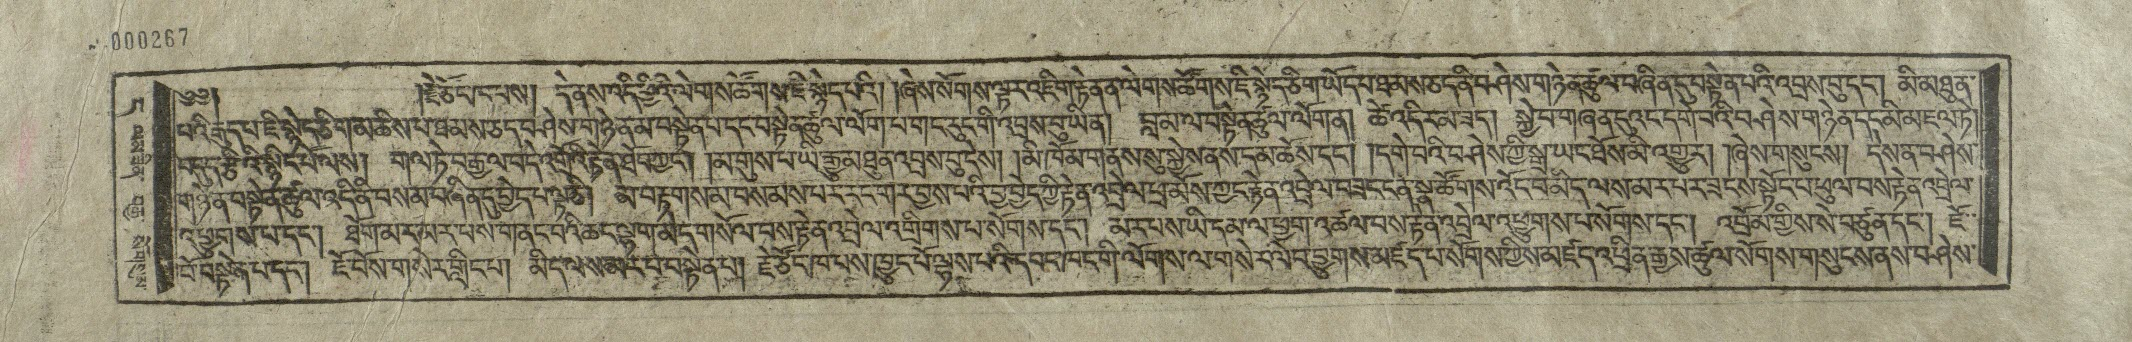༄༅། །རྗེ་ཙོང་ཁ་པས། དེ་ནས་འདི་ཕྱིའི་ལེགས་ཚོགས་ཇི་སྙེད་པའི། །ཞེས་སོགས་ལྟར་འཇིག་རྟེན་ན་ལེགས་ཚོགས་ཇི་སྙེད་ཅིག་ཡོད་པ་ཐམས་ཅད་ནི་བཤེས་གཉེན་ཚུལ་བཞིན་དུ་བསྟེན་པའི་འབྲས་བུ་དང་། མི་མཐུན་
པའི་རྒུད་པ་ཇི་སྙེད་ཅིག་མཆིས་པ་ཐམས་ཅད་བཤེས་གཉེན་མ་བསྟེན་པ་དང་བསྟེན་ཚུལ་ལོག་པ་གང་རུང་གི་འབྲས་བུ་ཡིན། བླ་མ་ལ་བསྟེན་ཚུལ་ལོག་ན། ཚེ་འདིར་མ་ཟད། སྐྱེ་བ་གཞན་དུའང་དགེ་བའི་བཤེས་གཉེན་དང་མི་མཇལ་ཏེ།
བདུད་རྩིའི་སྙིང་པོ་ལས། གལ་ཏེ་བརྒྱ་ལ་བདེ་འགྲོའི་རྟེན་ཐོབ་ཀྱང་། །མ་གུས་པ་ཡི་རྒྱུ་མཐུན་འབྲས་བུ་དེས། །མི་ཁོམ་གནས་སུ་སྐྱེས་ནས་དམ་ཆོས་དང་། །དགེ་བའི་བཤེས་ཀྱི་སྒྲ་ཡང་ཐོས་མི་འགྱུར། །ཞེས་གསུངས། དེས་ན་བཤེས་
གཉེན་བསྟེན་ཚུལ་འདི་ནི་བསམ་བཞིན་དུ་བྱེད་པ་ལྟ་ཅི། མ་བརྟགས་མ་བསམས་པར་རང་གར་བྱས་པའི་བྱ་བྱེད་ཀྱི་རྟེན་འབྲེལ་ཕྲ་མོས་ཀྱང་རྟེན་འབྲེལ་བཟང་ངན་སྣ་ཚོགས་འོང་བ་མིད་ལས་མར་པར་ཟངས་སྟོང་པ་ཕུལ་བས་རྟེན་འབྲེལ་
འཕྱུགས་པ་དང་། ཐོག་མར་མར་པས་གནང་བའི་ཆང་ལྷག་མེད་གསོལ་བས་རྟེན་འབྲེལ་འགྲིགས་པ་སོགས་དང་། མར་པས་ཡི་དམ་ལ་ཕྱག་འཚལ་བས་རྟེན་འབྲེལ་འཕྱུགས་པ་སོགས་དང་། འབྲོམ་གྱིས་སེ་བཙུན་དང་། ཇོ་
བོ་བསྟེན་པ་དང་། ཇོ་བོས་གསེར་གླིང་པ། མིད་ལས་མར་པ་བསྟེན་པ། རྗེ་ཙོང་ཁ་པས་ཁྱུང་པོ་ལྷས་པའི་དབང་ཁང་གི་ལོགས་ལ་གསེར་ལེབ་བྱུགས་མཛད་པ་སོགས་ཀྱིས་མཛད་འཕྲིན་རྒྱས་ཚུལ་སོགས་གསུངས་ནས་བཤེས་